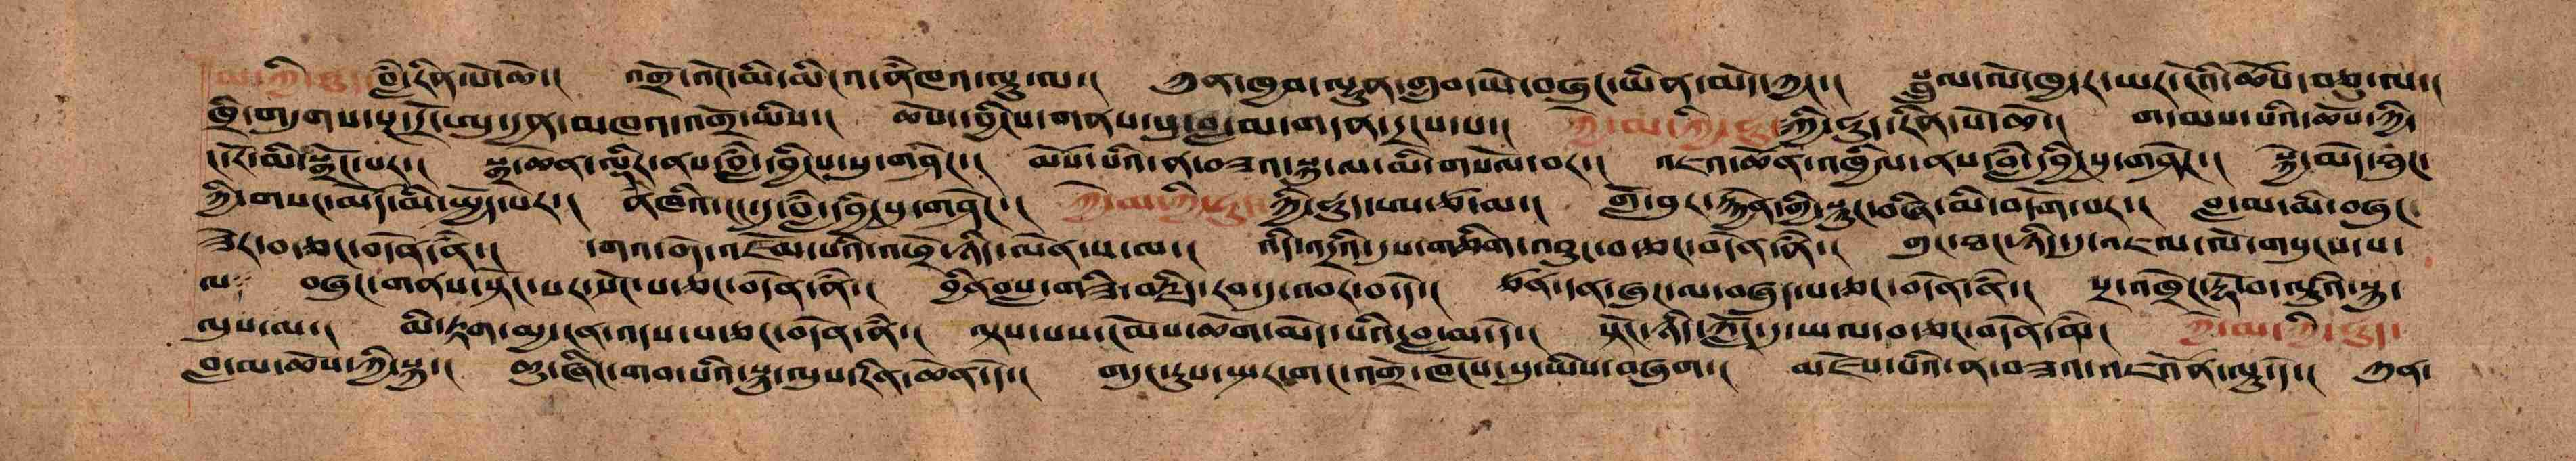མ་ཀྱི་ཧུད་བླ་མ་རིན་པོ་ཆེ། འགྲོ་འོང་མི་མངའ་ནམ་མཁའ་ལྟ་བུ་ལ། ཀུན་ཁྱབ་ལྷུན་གྲུབ་ཡེ་བཞུང་ཡིན་མེད་ཀྱང་། སྦྲུལ་ལོ་ཁྱད་པར་ཡར་ངོའི་ཚེས་བཅུ་ལ། 
ཁྲི་གདུགས་སྔ་དྲོ་ཨུ་རྒྱན་མཁའ་འགྲོ་ཡིས། ཆོས་དབྱིངས་གནས་སུ་བླ་མ་གདན་དྲངས་པ། ཀྱེ་མ་ཀྱི་ཧུད་ཀྱི་ཧུད་རིན་པོ་ཆེ། གདམས་པའི་ཆོས་ཀྱི་
ང་རོ་མི་སྒྲོགས་པར། སྒྲ་ཆེན་ལྡིར་ནས་བླ་མ་དབྱིངས་སུ་གཤེགས། མཛེས་པའི་ན་བཟའ་སྐུ་ལ་མི་གསོལ་བར། འཇའ་ཚོན་འཁྱིལ་ནས་བླ་མ་དབྱིངས་སུ་གཤེགས། སྐྱེ་མེད་ཐུགས་
ཀྱི་གསང་མཛོད་མི་སྤྱོད་པར། ནམ་མཁའི་ངང་དུ་བླ་མ་དབྱིངས་སུ་གཤེགས། ཀྱེ་མ་ཀྱི་ཧུད་ཀྱི་ཧུད་ཨ་ཙ་མ། བློ་བུར་རྐྱེན་གྱི་སྙུང་བཞི་མི་བདོག་པར། བླ་མ་མི་བཞུགས་
ཟེར་བ་ཅང་བདེན་ནམ། དགའ་བདེ་འཛོམ་པའི་འཕྲོ་ཉིད་ལེན་པ་ལ། འདི་འདྲའི་དུས་གཅིག་འབྱུང་བ་ཅང་བདེན་ནི། གུང་ཐང་ཉིད་དུ་འཇལ་ལོ་གསུངས་པ་
ལ༑ བཞུཊ་གནས་སྟོང་པར་སོང་པ་ཅང་བདེན་ནི། བྱིན་རླབས་གཟི་བརྗིད་རབ་དུ་འབར་བ་དེ། ཙན་དན་ཞུགས་ལ་བཞུད་པ་ཅང་བདེན་ནི། སྲ་འཁྲེགས་རྡོ་བ་ལྟ་བུའི་སྐུ་
ལུས་ལ། མི་རྟག་མྱ་ངན་འདས་པ་ཅང་བདེན་ནི། ལྟས་བས་ངོམས་ཆོག་མོད་པའི་བླ་མ་དེ། སྟོང་ཉིད་ཀློང་དུ་ཡལ་བ་ཅང་བདེན་ནི། ཀྱེ་མ་ཀྱི་ཧུད་
བླ་མ་ཆོས་ཀྱི་སྐུ། ཆུ་ཞིང་གབ་པའི་སྐུ་ལུས་རིན་ཆེན་དེ། གདུང་རུས་སྤར་གང་འགྲོ་ཁོངས་སུ་ཡིས་བཞུག། མཛེས་པའི་་ན་བཟའ་འཇའ་ཚོན་ལྟ་བུ་དེ། ཀུན་